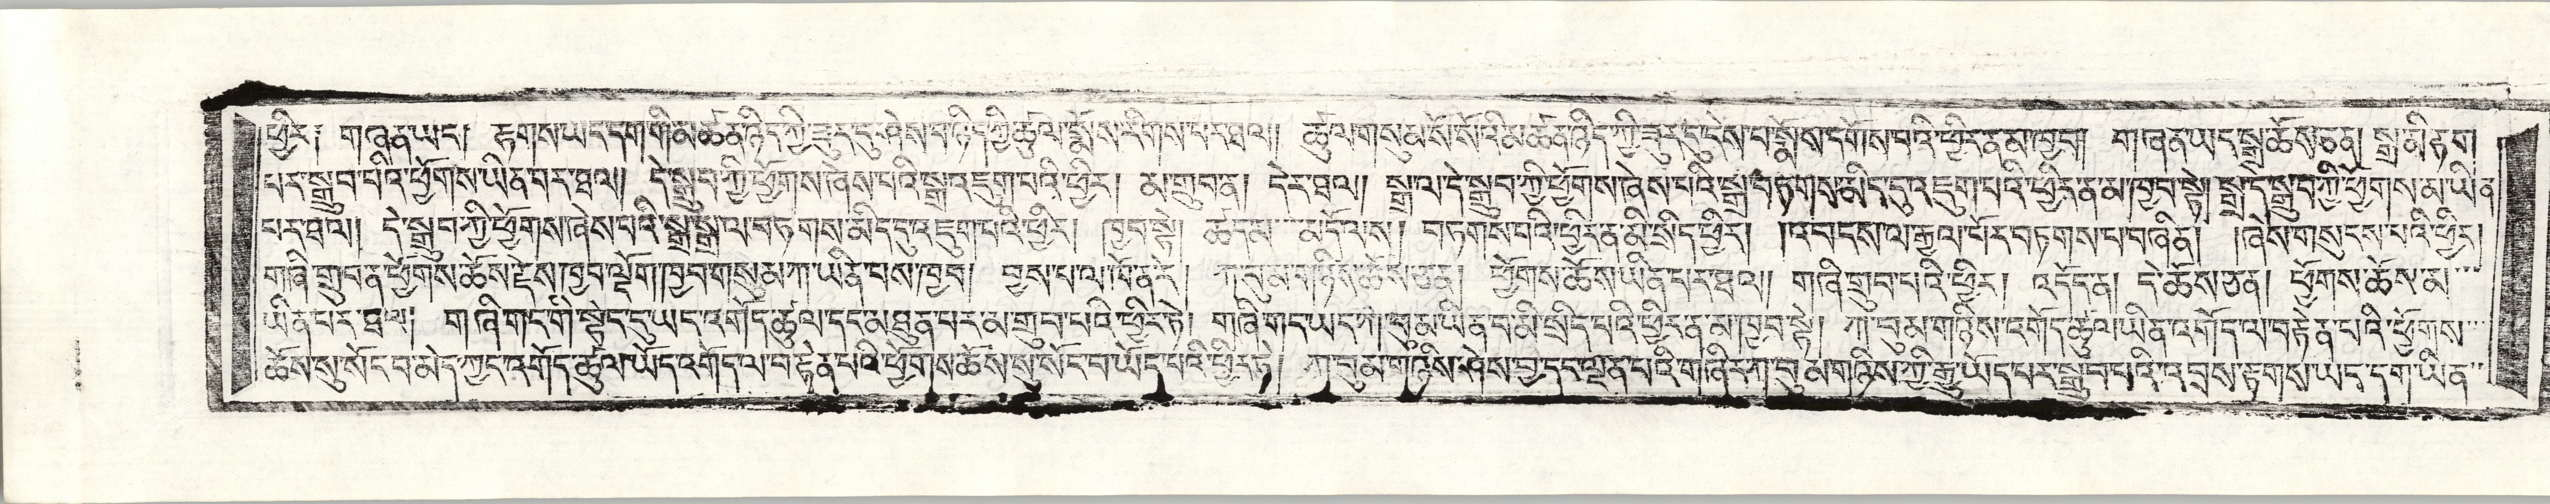ཕྱིར༑ གཞན་ཡང་། རྟགས་ཡང་དག་གི་མཚན་ཉིད་ཀྱི་ཟུར་དུ་ཤེས་པ་ཉིད་ཀྱི་ཚུལ་སྨོས་རིགས་པར་ཐལ། ཚུལ་གསུམ་སོ་སོའི་མཚན་ཉིད་ཀྱི་ཟུར་དུ་ངེས་པ་སྨོས་དགོས་པའི་ཕྱིར་ན་མ་ཁྱབ། གཞན་ཡང་སྒྲ་ཆོས་ཅན། སྒྲ་མི་རྟག་
པར་སྒྲུབ་པའི་ཕྱོགས་ཡིན་བར་ཐལ། དེ་སྒྲུབ་ཀྱི་ཕྱོགས་ཞེས་པའི་སྒྲ་འཇུག་པའི་ཕྱིར། མ་གྲུབ་ན། དེར་ཐལ། སྒྲ་ལ་དེ་སྒྲུབ་ཀྱི་ཕྱོགས་ཞེས་པའི་སྒྲ་བཏགས་མིང་དུ་འཇུག་པའི་ཕྱིར་ན་མ་ཁྱབ་སྟེ། སྒྲ་དེ་སྒྲུབ་ཀྱི་ཕྱོགས་མ་ཡིན་
པར་ཐལ། དེ་སྒྲུབ་ཀྱི་ཕྱོགས་ཞེས་པའི་སྒྲ་སྒྲ་ལ་བཏགས་མིང་དུ་འཇུག་པའི་ཕྱིར། ཁྱབ་སྟེ། ཚད་མ་མདོ་ལས། བཏགས་པའི་ཕྱིར་ན་མི་སྲིད་ཕྱིར། །འབངས་ལ་རྒྱལ་པོར་བཏགས་པ་བཞིན། །ཞེས་གསུངས་པའི་ཕྱིར།
གཞི་གྲུབ་ན་ཕྱོགས་ཆོས་རྗེས་ཁྱབ་ལྡོག་ཁྱབ་གསུམ་ག་ཡིན་པས་ཁྱབ། བྱས་པ་ལ་ཁོ་ན་རེ། ཀ་བུམ་གཉིས་ཆོས་ཅན། ཕྱོགས་ཆོས་ཡིན་པར་ཐལ། གཞི་གྲུབ་པའི་ཕྱིར། འདོད་ན། དེ་ཆོས་ཅན། ཕྱོགས་ཆོས་མ་
ཡིན་པར་ཐལ། གཞི་གང་གི་སྟེང་དུ་ཡང་འགོད་ཚུལ་དང་མཐུན་པར་མ་གྲུབ་པའི་ཕྱིར་ཏེ། གཞི་གང་ཡང་ཀ་བུམ་ཡིན་པ་མི་སྲིད་པའི་ཕྱིར་ན་མ་ཁྱབ་སྟེ། ཀ་བུམ་གཉིས་འགོད་ཚུལ་ཡིན་འགོད་ལ་བརྟེན་པའི་ཕྱོགས་
ཆོས་སུ་སོང་བ་མེད་ཀྱང་འགོད་ཚུལ་ཡོད་འགོད་ལ་བརྟེན་པའི་ཕྱོགས་ཆོས་སུ་སོང་བ་ཡོད་པའི་ཕྱིར་ཏེ། ཀ་བུམ་གཉིས་ཤེས་བྱ་དང་ལྡན་པའི་གཞིར་ཀ་བུམ་གཉིས་ཀྱི་རྒྱུ་ཡོད་པར་སྒྲུབ་པའི་འབྲས་རྟགས་ཡང་དག་ཡིན་